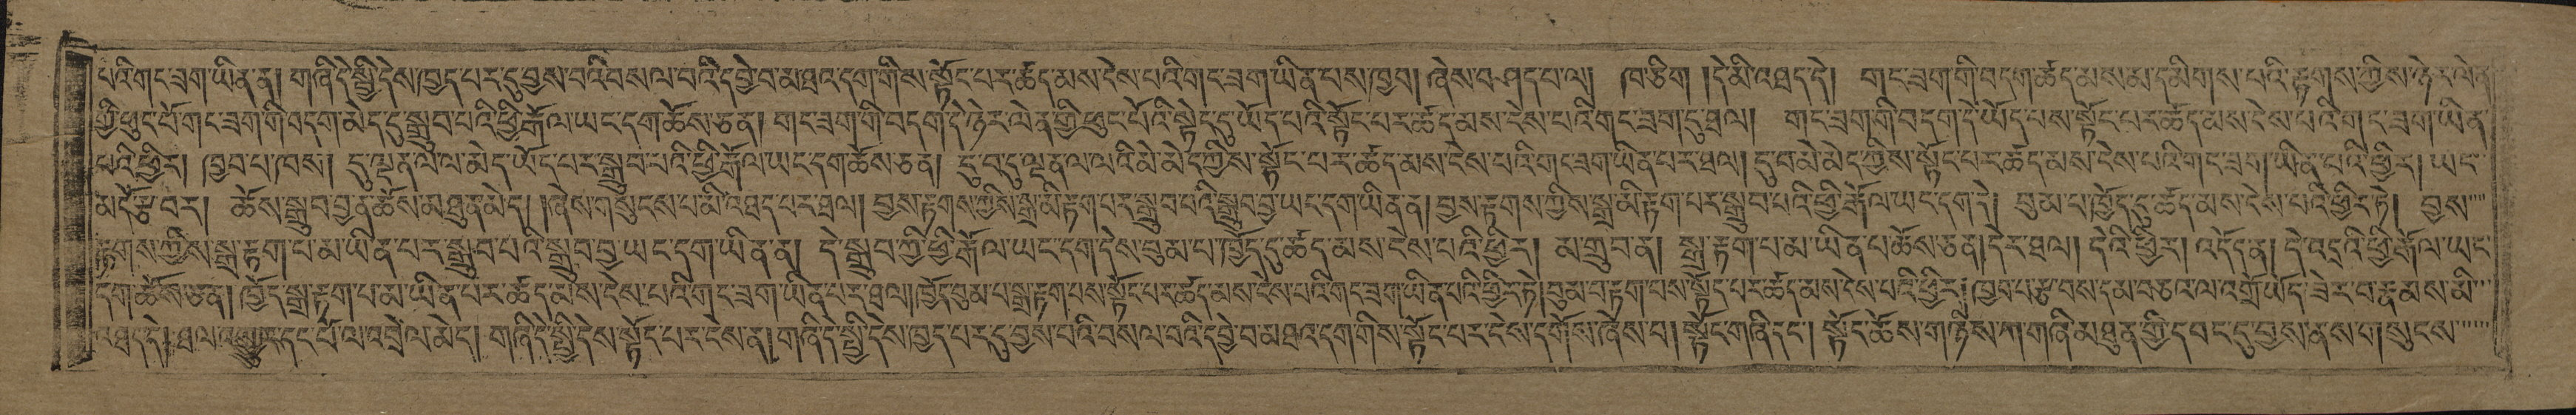པའི་གང་ཟག་ཡིན་ན། གཞི་དེ་སྤྱི་དེས་ཁྱད་པར་དུ་བྱས་བའི་བསལ་བའི་དབྱེ་བ་མཐའ་དག་གིས་སྟོང་པར་ཚད་མས་ངེས་པའི་གང་ཟག་ཡིན་པས་ཁྱབ། ཞེས་བཤད་པ་ལ། ཁ་ཅིག །དེ་མི་འཐད་དེ། གང་ཟག་གི་བདག་ཚད་མས་མ་དམིགས་པའི་རྟགས་ཀྱིས་ཉེར་ལེན་
གྱི་ཕུང་པོ་གང་ཟག་གི་བདག་མེད་དུ་སྒྲུབ་པའི་ཕྱི་རྒོལ་ཡང་དག་ཆོས་ཅན། གང་ཟག་གི་བདག་དེ་ཉེར་ལེན་གྱི་ཕུང་པོའི་སྟེང་དུ་ཡོད་པའི་སྟོང་པར་ཚད་མས་ངེས་པའི་གང་ཟག་དུ་ཐལ། གང་ཟག་གི་བདག་དེ་ཡོད་པས་སྟོང་པར་ཚད་མས་ངེས་པའི་གང་ཟག་ཡིན་
པའི་ཕྱིར། ཁྱབ་པ་ཁས། དུ་ལྡན་ལ་ལ་མེད་ཡོད་པར་སྒྲུབ་པའི་ཕྱི་རྒོལ་ཡང་དག་ཆོས་ཅན། དུ་བ་དུ་ལྡན་ལ་ལའི་མེ་མེད་ཀྱིས་སྟོང་པར་ཚད་མས་ངེས་པའི་གང་ཟག་ཡིན་པར་ཐལ། དུ་བ་མེ་མེད་ཀྱིས་སྟོང་པར་ཚད་མས་ངེས་པའི་གང་ཟག་ཡིན་པའི་ཕྱིར། ཡང་
མདོ་རྩ་བར། ཆོས་སྒྲུབ་བྱ་ན་ཆོས་མཐུན་མེད། །ཞེས་གསུངས་པ་མི་འཐད་པར་ཐལ། བྱས་རྟགས་ཀྱིས་སྒྲ་མི་རྟག་པར་སྒྲུབ་པའི་སྒྲུབ་བྱ་ཡང་དག་ཡིན་ན། བྱས་རྟགས་ཀྱིས་སྒྲ་མི་རྟག་པར་སྒྲུབ་པའི་ཕྱི་རྒོལ་ཡང་དག་དེ། བུམ་པ་ཁྱོད་དུ་ཚད་མས་ངེས་པའི་ཕྱིར་ཏེ། བྱས་
རྟགས་ཀྱིས་སྒྲ་རྟག་པ་མ་ཡིན་པར་སྒྲུབ་པའི་སྒྲུབ་བྱ་ཡང་དག་ཡིན་ན། དེ་སྒྲུབ་ཀྱི་ཕྱི་རྒོལ་ཡང་དག་དེས་བུམ་པ་ཁྱོད་དུ་ཚད་མས་ངེས་པའི་ཕྱིར། མ་གྲུབ་ན། སྒྲ་རྟག་པ་མ་ཡིན་པ་ཆོས་ཅན། དེར་ཐལ། དེའི་ཕྱིར། འདོད་ན། དེ་འདྲའི་ཕྱི་རྒོལ་ཡང་
དག་ཆོས་ཅན། ཁྱོད་སྒྲ་རྟག་པ་མ་ཡིན་པར་ཚད་མས་ངེས་པའི་གང་ཟག་ཡིན་པར་ཐལ། ཁྱོད་བུམ་པ་སྒྲ་རྟག་པས་སྟོང་པར་ཚད་མས་ངེས་པའི་གང་ཟག་ཡིན་པའི་ཕྱིར་ཏེ། བུམ་པ་རྟག་པས་སྟོང་པར་ཚད་མས་ངེས་པའི་ཕྱིར། ཁྱབ་པ་རྩ་བས་དམ་བཅའ་ལ་འགྲོ་ཡོད་ཟེར་བ་རྣམས་མི་
འཐད་དེ། ཐལ་འགྱུར་དང་པོ་ལ་འབྲེལ་མེད། གཞི་དེ་སྤྱི་དེས་སྟོང་པར་ངེས་ན། གཞི་དེ་སྤྱི་དེས་ཁྱད་པར་དུ་བྱས་པའི་བསལ་བའི་དབྱེ་བ་མཐའ་དག་གིས་སྟོང་པར་ངེས་དགོས་ཞེས་པ། སྟོང་གཞི་དང་། སྟོང་ཆོས་གཉིས་ཀ་གཞི་མཐུན་གྱི་དབང་དུ་བྱས་ནས་གསུངས་